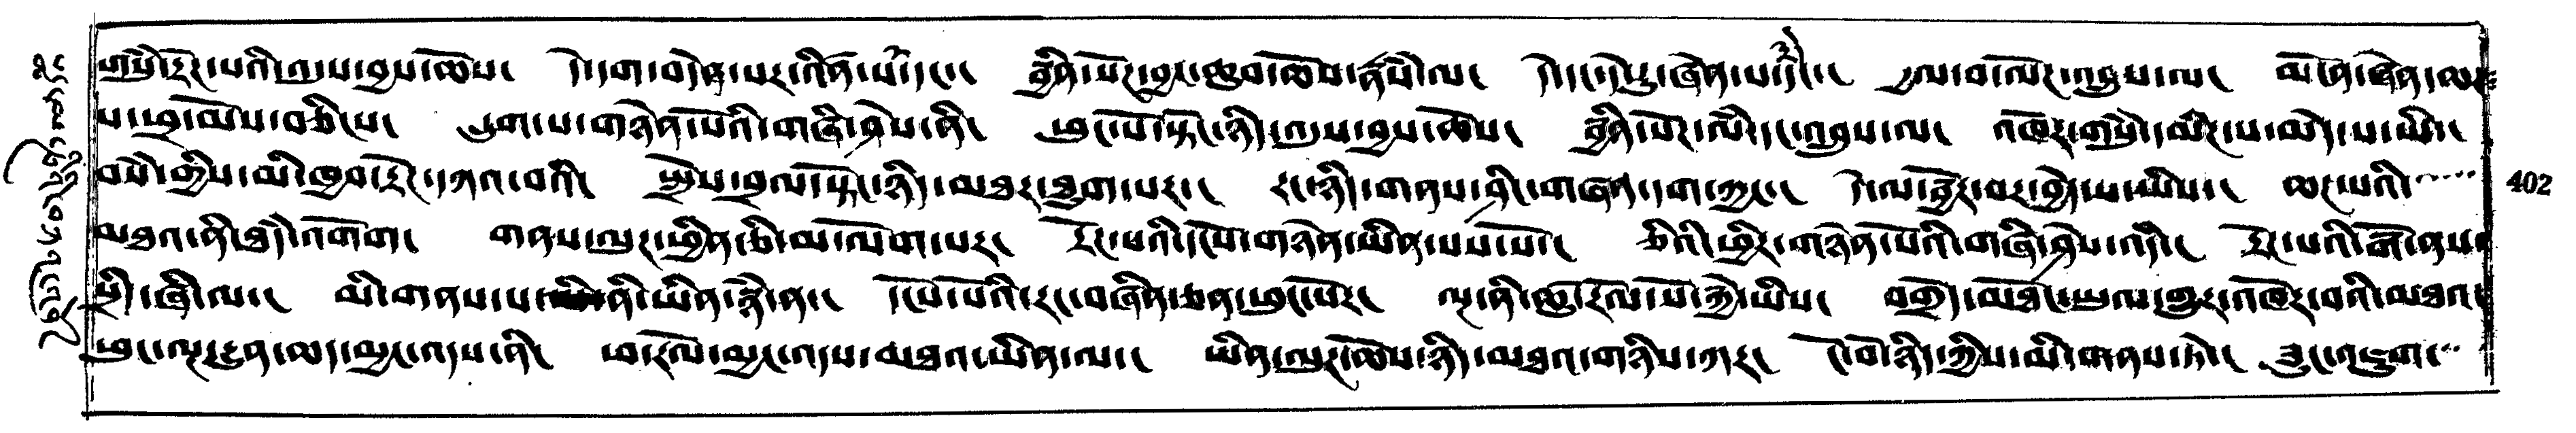གསུམ་རྟོགས་པའི་འདུས་བྱས་ཆོས། །དེ་དག་བདེན་པར་འཛིན་པ་དང་། །སྦྱིན་སོགས་བྱང་ཆུབ་ཆོས་རྣམས་ལ། །དེ་དང་དེ་རུ་ཞེན་པ་དང་། །རྒྱལ་བ་ལ་སོགས་འབྲས་བུ་ལ། །མངོན་ཞེན་ཆགས་
པ་ཕྲ་མོས་བཅིངས། །དྲུག་པ་གཉེན་པོའི་གཞི་ཤེས་ནི། །ཕུང་པོ་སྟོང་ཉིད་འདུས་བྱས་ཆོས། །སྦྱིན་སོགས་ལམ་དང་འབྲས་བུ་ལ། །འཁོར་གསུམ་དམིགས་པ་མེད་པ་ཡི། །
བསམ་གྱིས་མི་ཁྱབ་རྟོགས་དཀའ་བའི། །སྤྲོས་བྲལ་སྟོང་ཉིད་མཐར་ཐུག་པར། །རང་ཉིད་གནས་ཤིང་གཞན་དག་ཀྱང་། །དེ་ལ་སྦྱོར་བར་བྱེད་པ་ཡིས། །ཆགས་པའི་
མཐའ་ནི་ཐམས་ཅད་འགོག།གནས་ལུགས་ཕྱིན་ཅི་མ་ལོག་པར། །རྟོགས་པའི་དངོས་གཉེན་ཡིན་པས་སོ། །ཅིའི་ཕྱིར་གཉེན་པོའི་གཞི་ཤེས་འདི། །རྟོགས་པའི་སྒོ་ནས་
སྲིད་ཞི་ལ། །མི་གནས་པ་ནི་ཡིན་སྙམ་ན། །དངོས་པོའི་རང་བཞིན་ཅན་ཕུང་པོར། །ལྔ་ནི་ཚུ་རོལ་སོ་སྐྱེ་ཡིས། །བགྲོད་མཐོང་ཡུལ་གྱུར་འཁོར་བའི་མཐའ། །
ཕུང་ལྔ་རྒྱུན་ཆད་མྱང་འདས་ནི། །ཕ་རོལ་མྱང་འདས་མཐའ་ཡིན་ལ། །ཡིན་ལུགས་ཆོས་ཉིད་མཐའ་གཉིས་ཀར། །ངོ་བོ་ཉིད་ཀྱིས་མི་གནས་ཏེ། །ཟུང་འཇུག་